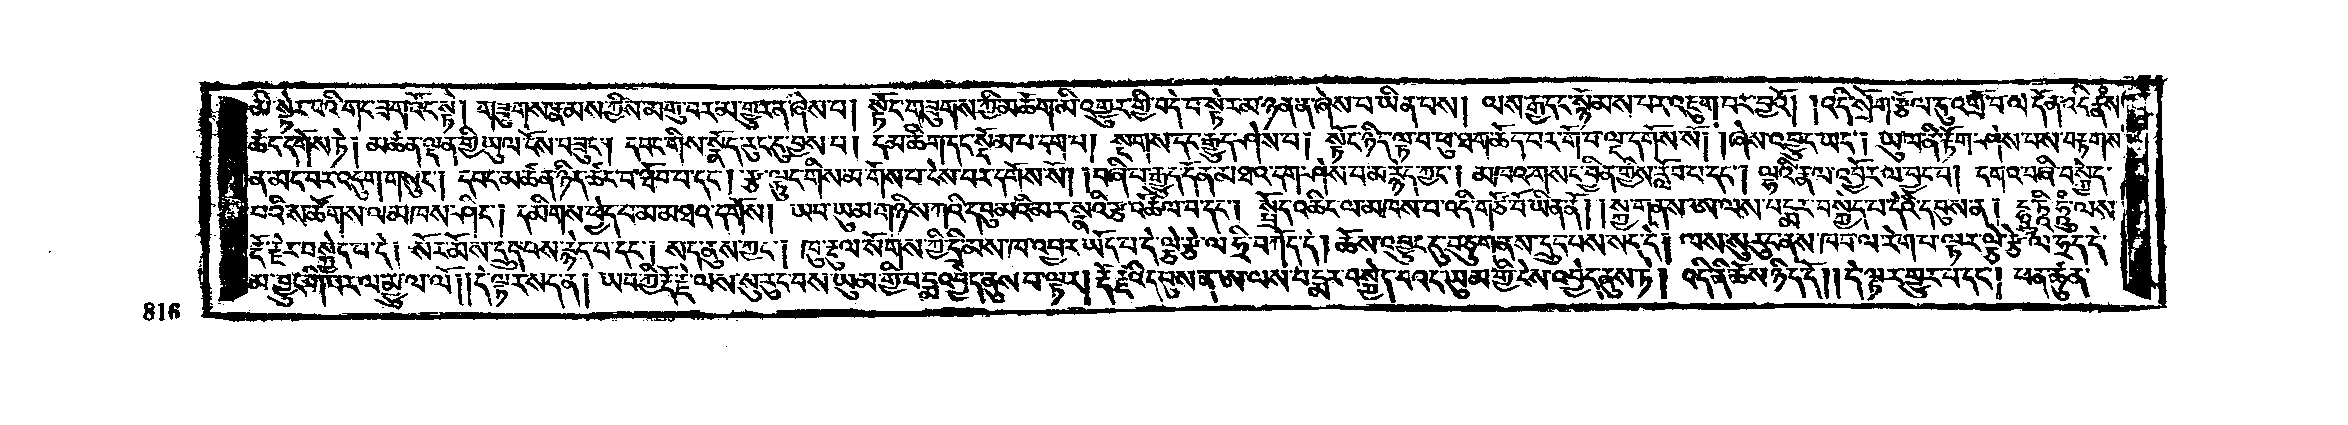མི་སྟེར་བའི་གང་ཟག་འོང་སྟེ། གཟུགས་རྣམས་ཀྱིས་མགུ་བར་མ་གྱུར་ན་ཞེས་པ། སྟོང་གཟུགས་ཀྱི་མཆོག་མི་འགྱུར་གྱི་བདེ་བ་སྟེར་མ་ཉན་ན་ཞེས་པ་ཡིན་པས། ལས་རྒྱ་དང་སྙོམས་པར་འཇུག་པར་བྱའོ། །འདི་སྲོག་རྩོལ་དུ་འགྲོ་བ་ལ་དོན་འདི་རྣམས་
ཚང་དགོས་ཏེ། མཚན་ལྡན་གྱི་ཡུལ་ངོས་བཟུང་། དབང་གིས་སྣོད་རུང་དུ་བྱས་པ། དམ་ཚིག་དང་སྡོམ་པ་དག་པ། སྔགས་དང་རྒྱུད་ཤེས་པ། སྟོང་ཉིད་ལྟ་བ་ཕུ་ཐག་ཆོད་པར་གོ་བ་ལྔ་དགོས་སོ། །ཞེས་འབྱུང་ཡང་། ཡུལ་ནི་རྟོག་ཤེས་པས་བརྟགས་
ན་མང་བར་འདུག་གསུང་། དབང་མཚན་ཉིད་ཚང་བ་ཐོབ་པ་དང་། རྩ་ལྟུང་གིས་མ་གོས་པ་ངེས་པར་དགོས་སོ། །བཞི་པ་རྒྱུད་དོན་མཐའ་དག་ཤེས་པ་མ་རྙེད་ཀྱང་། མཁའ་གསང་བྱིན་གྱིས་རློབ་པ་དང་། ལྷའི་རྣལ་འབྱོར་ལ་བྱང་བ། དགའ་བཞི་བསྐྱེད་
པའི་ས་ཚོགས་ལ་མཁས་ཤིང་། དམིགས་ཕྱེད་པ་མ་མཐའ་དགོས། ཡབ་ཡུམ་གཉིས་ཀའི་དབུ་མའི་མར་སྣའི་རྩ་འཚོལ་བ་དང་། སྤྲོད་འཆིང་ལ་མཁས་པ་འདི་གཙོ་བོ་ཡིན་ནོ། །སྐྱ་གནས་ཨ་ལས་པདམར་བསྐྱེད་པ་དེའི་དབུས་ན། དྷཱུ་ཏཱི་ཧཱུཾ་ལས་
རྡོ་རྗེར་བསྐྱེད་པ་དེ། སོར་མོས་དྲུད་པས་རྙེད་པ་དང་། སད་ནུས་ཀྱང་། ཁུ་རྡུལ་སོགས་ཀྱི་དྲི་མས་ཁ་འབྱར་ཡོད་པ་དེ་ལྕེ་རྩེ་ལ་ཧྲི་བཀོད་དེ། ཆོས་འབྱུང་དུ་བཅུག་ནས་དྲུད་པས་སད་དེ། ལས་སུ་རུང་ནས་ཁབ་ལ་རེག་པ་ལྟར་ལྕེ་རྩེ་ལ་ཧྲད་དེ་
མ་བྱུང་གི་བར་ལ་མྱུ་ལ་ལོ། །དེ་ལྟར་སད་ན། ཡབ་ཀྱི་རྡོ་རྗེ་ལས་སུ་རུང་བས་ཡུམ་གྱི་པདམ་འབྱེད་ནུས་པ་ལྟར། རྡོ་རྗེའི་དབུས་ན་ཨ་ལས་པདམར་བསྐྱེད་པའང་ཡུམ་གྱི་ངེས་འབྱེད་ནུས་ཏེ། འདི་ནི་ཆོས་ཉིད་དོ། །དེ་ལྟར་གྱུར་པ་དང་། ཕན་ཚུན་